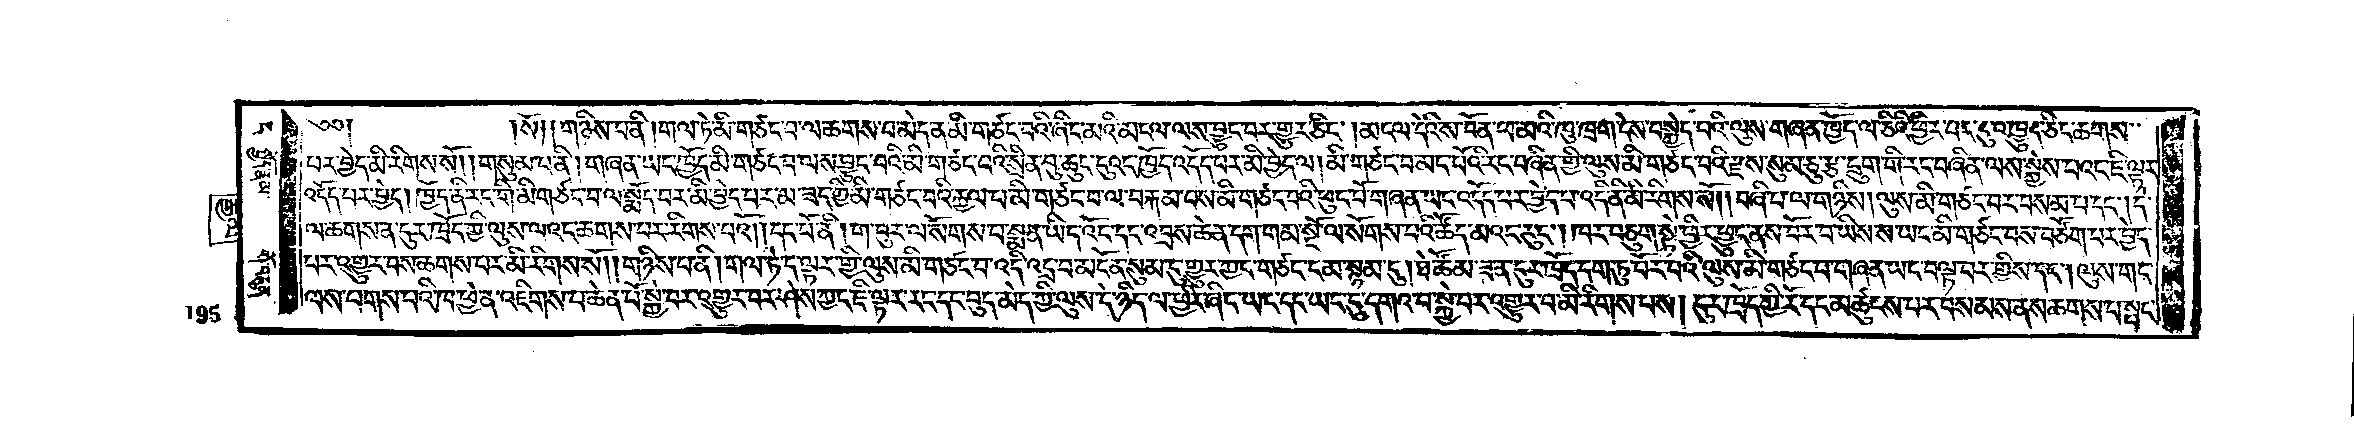༄༅། །སོ༑ ༑གཉིས་པ་ནི། གལ་ཏེ་མི་གཙང་བ་ལ་ཆགས་པ་མེད་ན་མི་གཙང་བའི་ཞིང་མའི་མངལ་ལས་བྱུང་བར་གྱུར་ཅིང་། མངལ་དེའི་ས་བོན་ཕ་མའི་ཁུ་ཁྲག་དེས་བསྐྱེད་པའི་ལུས་གཞན་ཁྱོད་ལ་ཅིའི་ཕྱིར་བར་དུ་འཁྱུད་ཅིང་ཆགས་
པར་བྱེད་མི་རིགས་སོ། །གསུམ་པ་ནི། གཞན་ཡང་ཁྱོད་མི་གཙང་བ་ལས་བྱུང་བའི་མི་གཙང་བའི་སྲིན་བུ་ཆུང་ངུའང་ཁྱོད་འདོད་པར་མི་བྱེད་ལ། མི་གཙང་བ་མང་པོའི་རང་བཞིན་གྱི་ལུས་མི་གཙང་བའི་རྫས་སུམ། ཅུ་རྩ་དྲུག་གི་རང་བཞིན་ལས་སྐྱེས་པའང་ཇི་ལྟར་
འདོད་པར་བྱེད། ཁྱོད་ནི་རང་གི་མི་གཙང་བ་ལ་སྨོད་པར་མི་བྱེད་པར་མ་ཟད་ཀྱི་མི་གཙང་བའི་རྐྱལ་པ་མི་གཙང་བ་ལ་བརྐམ་པས་མི་གཙང་བའི་ཕུང་པོ་གཞན་ཡང་འདོད་པར་བྱེད་པ་འདི་ནི་མི་རིགས་སོ། །བཞི་པ་ལ་གཉིས། ལུས་མི་གཙང་བར་བསམ་པ་དང་། དེ་
ལ་ཆགས་ན་དུར་ཁྲོད་ཀྱི་ལུས་ལའང་ཆགས་པར་རིགས་པའོ། །དང་པོ་ནི། ག་བུར་ལ་སོགས་པ་སྨན་ཡིད་འོད་དང་འབྲས་ཆེན་དག་གམ་སྔོ་ལ་སོགས་པའི་ཚོད་མའང་རུང་། ཁར་བཅུག་སྟེ་ཕྱིར་ཕུང་ནས་བོར་བ་ཡིས་ས་ཡང་མི་གཙང་བས་བཙོག་པར་བྱེད་
པར་འགྱུར་བས་ཆགས་པར་མི་རིགས་སོ། །གཉིས་པ་ནི། གལ་ཏེ་ད་ལྟར་གྱི་ལུས་མི་གཙང་བ་འདི་འདྲ་བ་མངོན་སུམ་དུ་གྱུར་ཀྱང་གཙང་ངམ་སྙམ་དུ། ཐེ་ཚོམ་ཟ་ན་དུར་ཁྲོད་དག་ཏུ་བོར་བའི་ལུས་མི་གཙང་བ་གཞན་ཡང་བལྟ་བར་གྱིས་དང་། ལུས་གང་
ལས་པགས་པའི་ཁ་ཕྱེ་ན་འཇིགས་པ་ཆེན་པོ་སྐྱེ་བར་འགྱུར་བར་ཤེས་ཀྱང་ཇི་ལྟར་རང་དང་བུད་མེད་ཀྱི་ལུས་དེ་ཉིད་ལ་ཕྱིར་ཞིང་ཡང་དང་ཡང་དུ་དགའ་བ་སྐྱེ་བར་འགྱུར་བ་མི་རིགས་པས། དུར་ཁྲོད་ཀྱི་རོ་དང་མཚུངས་པར་བསམས་ནས་ཆགས་པ་སྤང་